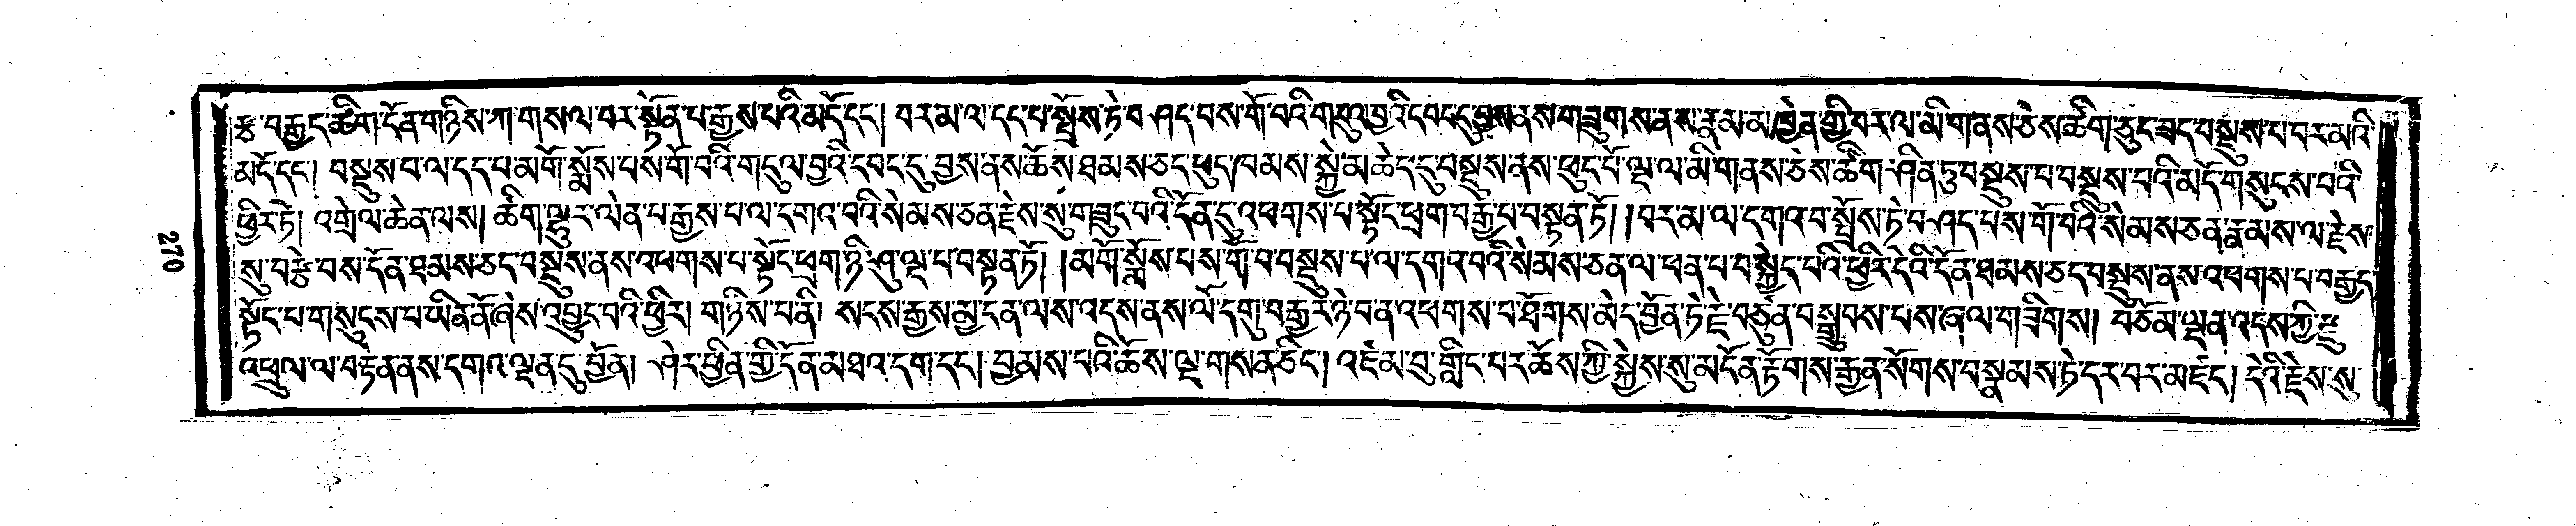རྩ་བརྒྱད་ཚིག་དོན་གཉིས་ཀ་གསལ་བར་སྟོན་པ་རྒྱས་པའི་མདོ་དང་། བར་མ་ལ་དད་པ་སྤྲོས་ཏེ་བཤད་པས་གོ་བའི་གདུལ་བྱའི་དབང་དུ་བྱས་ནས་གཟུགས་ནས་རྣམ་མཁྱེན་གྱི་བར་ལ་མི་གནས་ཅེས་ཚིག་ཅུང་ཟད་བསྡུས་པ་བར་མའི་
མདོ་དང་། བསྡུས་པ་ལ་དད་པ་མགོ་སྨོས་པས་གོ་བའི་གདུལ་བྱའི་དབང་དུ་བྱས་ནས་ཆོས་ཐམས་ཅད་ཕུང་ཁམས་སྐྱེ་མཆེད་དུ་བསྡུས་ནས་ཕུང་པོ་ལྔ་ལ་མི་གནས་ཅེས་ཚིག་ཤིན་ཏུ་བསྡུས་པ་བསྡུས་པའི་མདོ་གསུངས་པའི་
ཕྱིར་ཏེ། འགྲེལ་ཆེན་ལས། ཚིག་ལྷུར་ལེན་པ་རྒྱས་པ་ལ་དགའ་བའི་སེམས་ཅན་རྗེས་སུ་གཟུང་བའི་དོན་དུ་འཕགས་པ་སྟོང་ཕྲག་བརྒྱ་པ་བསྟན་ཏོ། །བར་མ་ལ་དགའ་བ་སྤྲོས་ཏེ་བཤད་པས་གོ་བའི་སེམས་ཅན་རྣམས་ལ་རྗེས་
སུ་བརྩེ་བས་དོན་ཐམས་ཅད་བསྡུས་ནས་འཕགས་པ་སྟོང་ཕྲག་ཉི་ཤུ་ལྔ་པ་བསྟན་ཏོ། །མགོ་སྨོས་པས་གོ་བ་བསྡུས་པ་ལ་དགའ་བའི་སེམས་ཅན་ལ་ཕན་པ་བསྐྱེད་པའི་ཕྱིར་དེའི་དོན་ཐམས་ཅད་བསྡུས་ནས་འཕགས་པ་བརྒྱད་
སྟོང་པ་གསུངས་པ་ཡིན་ནོ་ཞེས་འབྱུང་བའི་ཕྱིར། གཉིས་པ་ནི། སངས་རྒྱས་མྱ་ངན་ལས་འདས་ནས་ལོ་དགུ་བརྒྱར་ཉེ་བ་ན་འཕགས་པ་ཐོགས་མེད་བྱོན་ཏེ་རྗེ་བཙུན་བསྒྲུབས་པས་ཞལ་གཟིགས། བཅོམ་ལྡན་འདས་ཀྱི་རྫུ་
འཕྲུལ་ལ་བརྟེན་ནས་དགའ་ལྡན་དུ་བྱོན། ཤེར་ཕྱིན་གྱི་དོན་མཐའ་དག་དང་། བྱམས་པའི་ཆོས་ལྔ་གསན་ཅིང་། འཛམ་བུ་གླིང་པར་ཆོས་ཀྱི་སྐྱེས་སུ་མངོན་རྟོགས་རྒྱན་སོགས་བསྣམས་ཏེ་དར་བར་མཛད། དེའི་རྗེས་སུ་